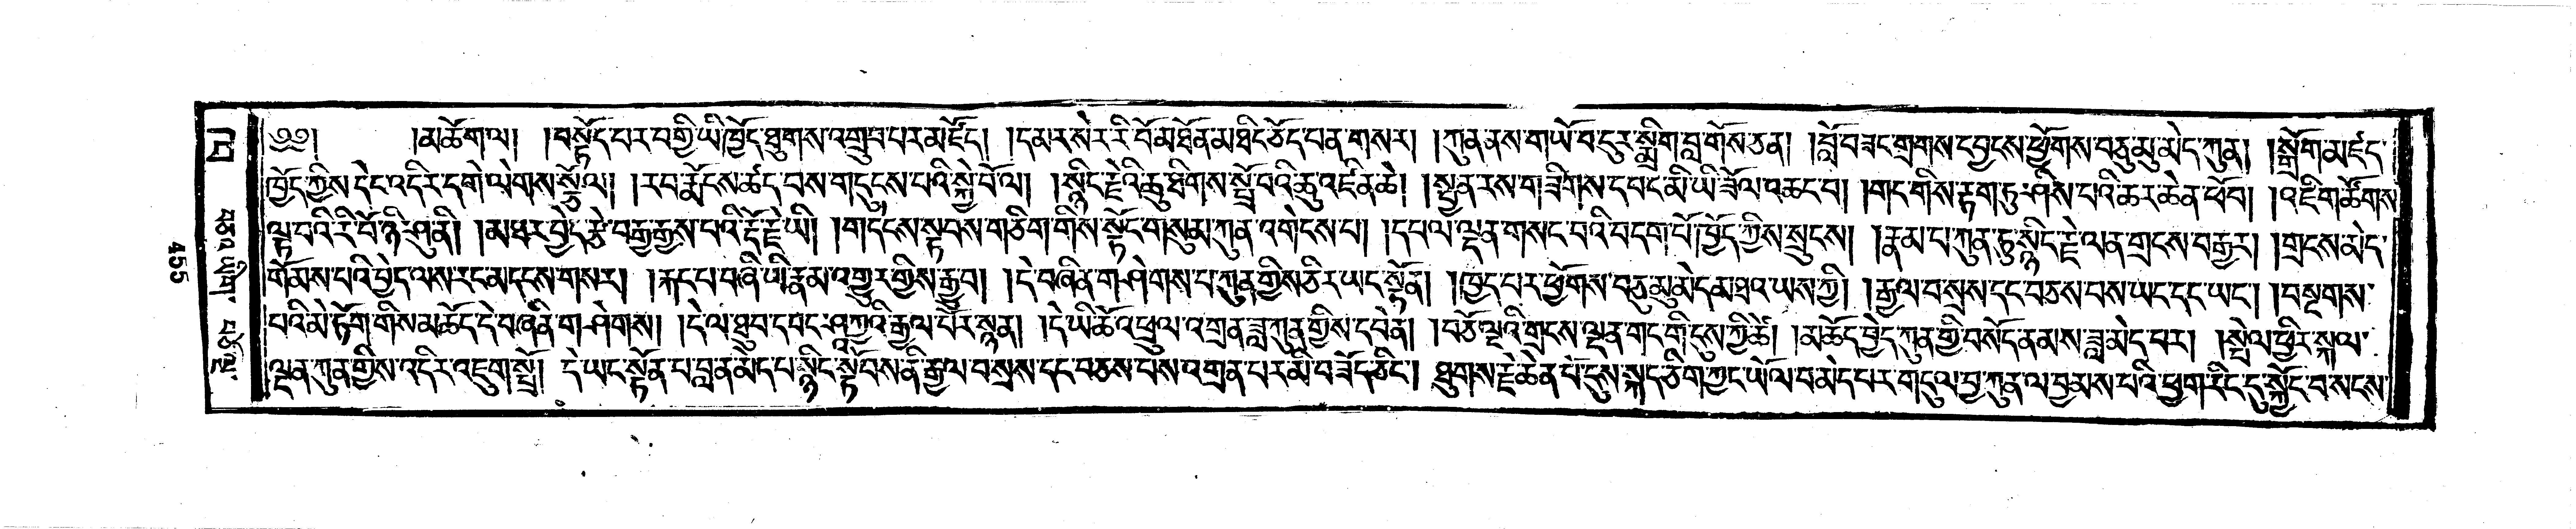༄༅། །མཆོག་ལ། །བསྟོད་པར་བགྱི་ཡི་ཁྱོད་ཐུགས་འགྲུབ་པར་མཛོད། །དམར་སེར་རི་བོ་མཐོན་མཐིང་ཅོད་པན་གསར། །ཀུན་ནས་གཡོ་བ་དུར་སྨྲིག་བླ་གོས་ཅན། །བློ་བཟང་གྲགས་དབྱངས་ཕྱོགས་བཅུ་མུ་མེད་ཀུན། །སྒྲོག་མཛད་
ཁྱོད་ཀྱིས་དེང་འདིར་དགེ་ལེགས་སྩོལ། །རབ་རྨོངས་ཚད་བས་གདུངས་པའི་སྐྱེ་བོ་ལ། །སྙིང་རྗེའི་ཆུ་ཐིགས་སྤྲོ་བའི་ཆུ་འཛིན་ཆེ། །སྤྱན་རས་གཟིགས་དབང་མི་ཡི་ཟོལ་འཆང་བ། །གང་གིས་རྟག་ཏུ་ཤིས་པའི་ཆར་ཆེན་ཕོབ། །འཇིག་ཚོགས་
ལྟ་བའི་རི་བོ་ཉི་ཤུ་ནི། །མཐར་བྱེད་རྩེ་བརྒྱ་རྒྱས་པའི་རྡོ་རྗེ་ཡི། །གདེངས་སྟབས་གཅིག་གིས་སྟོང་གསུམ་ཀུན་འགེངས་པ། །དཔལ་ལྡན་གསང་བའི་བདག་པོ་ཁྱོད་ཀྱིས་སྲུངས། །རྣམ་པ་ཀུན་ཏུ་སྙིང་རྗེ་ལན་གྲངས་བརྒྱར། །གྲངས་མེད་
གོམས་པའི་བྱེད་ལས་རང་མདངས་གསར། །རྐང་པ་བཞི་ཡི་རྣམ་འགྱུར་གྱིས་རྒྱུ་བ། །དེ་བཞིན་གཤེགས་པ་ཀུན་གྱིས་ཅིར་ཡང་སྟོན། །ཁྱད་པར་ཕྱོགས་བཅུ་མུ་མེད་མཐའ་ཡས་ཀྱི། །རྒྱལ་བ་སྲས་དང་བཅས་པས་ཡང་དང་ཡང་། །བསྔགས་
པའི་མེ་ཏོག་གིས་མཆོད་དེ་བཞིན་གཤེགས། །དེ་ལ་ཐུབ་དབང་ཤཱཀྱའི་རྒྱལ་པོར་སྙན། །དེ་ཡི་ཆོ་འཕྲུལ་འགྲན་ཟླ་ཀུན་གྱིས་དབེན། །བཅོ་ལྔའི་གྲངས་ལྡན་གང་གི་དུས་ཀྱི་ཚེ། ། མཆོད་བྱེད་ཀུན་གྱི་བསོད་ནམས་ཟླ་མེད་པར། །སྤེལ་ཕྱིར་སྐལ་
ལྡན་ཀུན་གྱིས་འདིར་འཇུག་སྤྲོ། དེ་ཡང་སྟོན་པ་བླ་ན་མེད་པ་སྙིང་སྟོབས་ནི་རྒྱལ་བ་སྲས་དང་བཅས་པས་འགྲན་པར་མི་བཟོད་ཅིང་། ཐུགས་རྗེ་ཆེན་པོ་དུས་སྐད་ཅིག་ཀྱང་ཡོལ་བ་མེད་པར་གདུལ་བྱ་ཀུན་ལ་བྱམས་པའི་ཕྱག་རིང་དུ་སྐྱོང་བ་སངས་